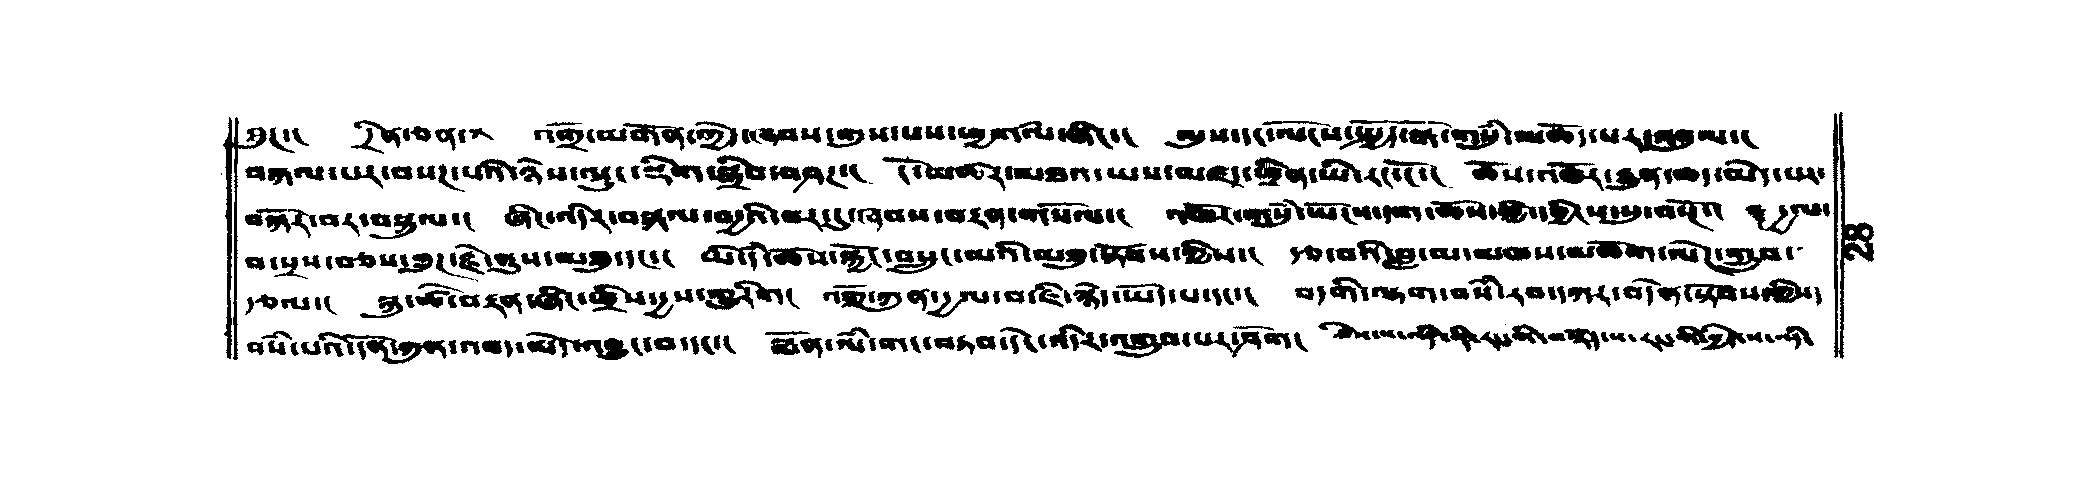ཐུགས། །དྲིན་ཅན༴ །འགྲོ་མགོན་ཁྱོད་ཞབས་གུས་པས་ཕྱག་འཚལ་ཞིང་། །ལུས་དང་ལོངས་སྤྱོད་སྒོ་གསུམ་མཆོད་པར་འབུལ། །
བསྐལ་པར་བསགས་པའི་ཉེས་ལྟུང་སྡིག་སྒྲིབ་བཤགས། །ངོ་མཚར་མཐའ་ཡས་མཛད་ཕྲིན་ཡི་རང་ངོ་། །ཆོས་འཁོར་རྒྱུན་ཆད་མེད་པར་
བསྐོར་བར་བསྐུལ། །ཞིང་འདིར་བསྐལ་བརྒྱའི་བར་དུ་ཞབས་བརྟན་གསོལ། །འཁོར་གསུམ་ཡོངས་དག་ཆོས་ཀྱི་དབྱིངས་སུ་བསྔོ། ༈ རྒྱལ་
བ་སྲས་བཅས་ཐུགས་རྗེ་ནུས་མཐུ་དང་། །ཡི་དམ་ཆོས་སྐྱོང་སྲུང་མའི་མཐུ་སྟོབས་ཀྱིས། །རྩ་བའི་བླ་མ་མཁས་མཆོག་ལེགས་གྲུབ་
རྩལ། །སྐུ་ཚེ་བརྟན་ཞིང་ཕྲིན་ལས་རྒྱས་གྱུར་ཅིག །འགྲོ་ཀུན་དགེ་བ་ཇི་སྙེད་ཡོད་པ་དང་། །བདག་གི་ལྷག་བསམ་རབ་དཀར་བདེན་སྟོབས་ཀྱིས། །
བསམ་པའི་དོན་ཀུན་འབད་མེད་འབྱུང་བ་དང་། །སྨོན་ལམ་གང་བཏབ་དེང་འདིར་འགྲུབ་པར་ཤོག ཅེས་པ་འདི་ནི་རང་གི་བསྟོན་པ་རང་གི་བྱེད་པ་འད ི་